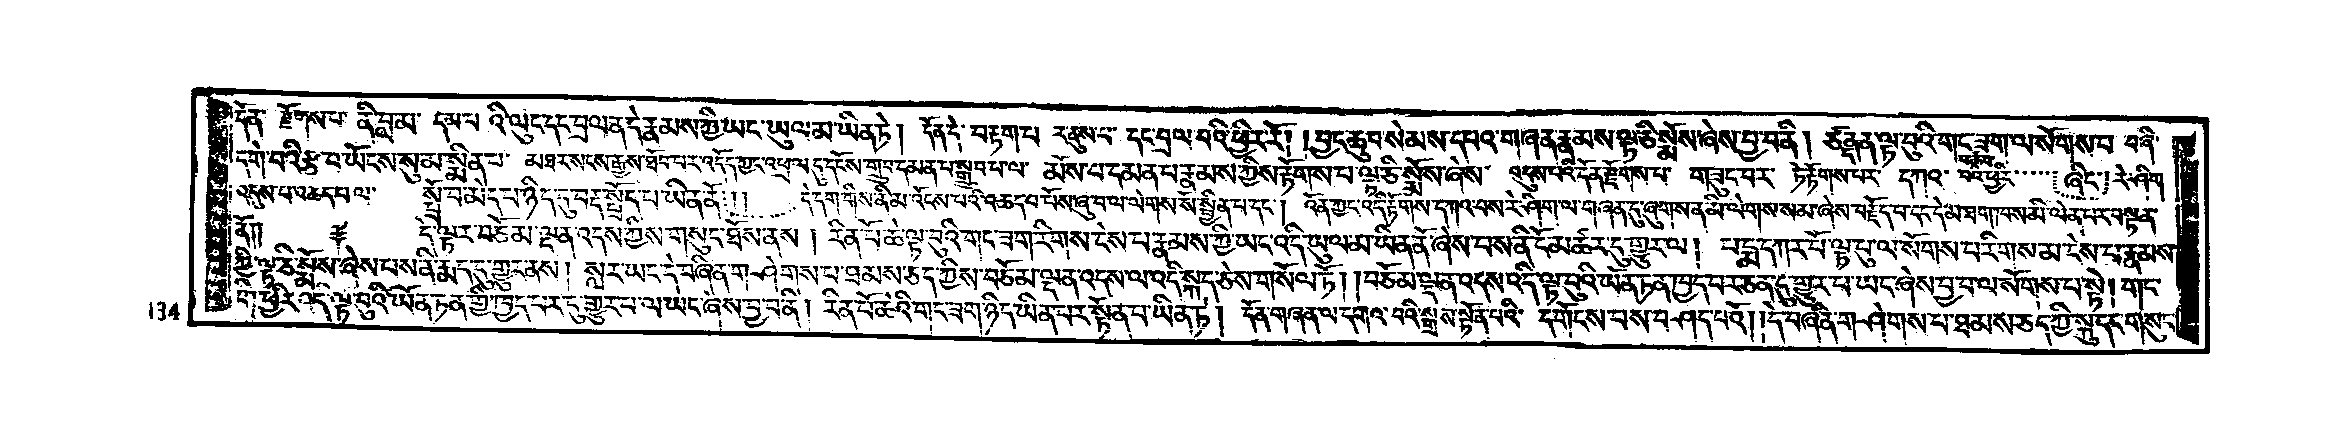དོན་རྫོགས་པ་ནི་བླ་མ་དམ་པའི་ལུང་དང་བྲལ་ན་དེ་རྣམས་ཀྱི་ཡང་ཡུལ་མ་ཡིན་ཏེ། དོན་དེ་བརྟག་པར་ནུས་པ་དང་བྲལ་བའི་ཕྱིར་རོ། །བྱང་ཆུབ་སེམས་དཔའ་གཞན་རྣམས་ལྟ་ཅི་སྨོས་ཞེས་བྱ་བ་ནི། ཙནྡན་ལྟ་བུའི་གང་ཟག་ལ་སོགས་པ་བཞི་
དགེ་བའི་རྩ་བ་ཡོངས་སུ་མ་སྨིན་པ་མཐར་སངས་རྒྱས་ཐོབ་པར་འདོད་ཀྱང་འཕྲལ་དུ་དངོས་གྲུབ་དམན་པ་སྒྲུབ་པ་ལ་མོས་པ་དམན་པ་རྣམས་ཀྱིས་རྟོགས་པ་ལྟ་ཅི་སྨོས་ཞེས་འདུས་པའི་དོན་རྫོགས་པ་གཟུང་བར་ཏེ་རྟོགས་པར་དཀའ་བ་ཚབ་བའི་ཕྱིར་ཞིང་རེ་ཤིག་
འདུས་པ་འཆད་པ་ལ་སྤྲོ་བ་མེད་པ་ཉིད་དུ་བརྡ་སྤྲོད་པ་ཡིན་ནོ།། དེ་དག་གིས་ནི་མ་འོངས་པའི་འཆད་པ་པོས་ཞུ་བ་ལ་ལེགས་སོ་སྦྱིན་པ་དང་། འོན་ཀྱང་འདི་རྟོགས་དཀའ་བས་རེ་ཤིག་ལ་གཞན་དུ་ཞུགས་ན་མི་ལེགས་སམ་ཞེས་བརྗོད་པ་དང་དེ་མ་ཐག་ཁས་མི་ལེན་པར་བསྟན་
ནོ།། ༈ དེ་ལྟར་བཅོམ་ལྡན་འདས་ཀྱིས་གསུང་ཐོས་ནས། རིན་པོ་ཆེ་ལྟ་བུའི་གང་ཟག་རིགས་ངེས་པ་རྣམས་ཀྱི་ཡང་འདི་ཡུལ་མ་ཡིན་ནོ་ཞེས་པས་ནི་ངོ་མཚར་དུ་གྱུར་ལ། པདམ་དཀར་པོ་ལྟ་བུ་ལ་སོགས་པ་རིགས་མ་ངེས་པ་རྣམས་
ཀྱི་ལྟ་ཅི་སྨོས་ཞེས་པས་ནི་རྨད་དུ་གྱུར་ནས། སླར་ཡང་དེ་བཞིན་གཤེགས་པ་ཐམས་ཅད་ཀྱིས་བཅོམ་ལྡན་འདས་ལ་འདི་སྐད་ཅེས་གསོལ་ཏོ། །བཅོམ་ལྡན་འདས་འདི་ལྟ་བུའི་ཡོན་ཏན་ཁྱད་པར་ཅན་དུ་གྱུར་པ་ཡང་ཞེས་བྱ་བ་ལ་སོགས་པ་སྟེ། གང་
གི་ཕྱིར་འདི་ལྟ་བུའི་ཡོན་ཏན་གྱི་ཁྱད་པར་དུ་གྱུར་པ་ལ་ཡང་ཞེས་བྱ་བ་ནི། རིན་པོ་ཆེའི་གང་ཟག་ཉིད་ཡིན་པར་སྟོན་པ་ཡིན་ཏེ། དོན་གཞན་ལ་དགའ་བའི་སྒྲས་སྟོན་པའི་དགོངས་པས་བཤད་པའོ། །དེ་བཞིན་གཤེགས་པ་ཐམས་ཅད་ཀྱི་སྐུ་དང་གསུང་